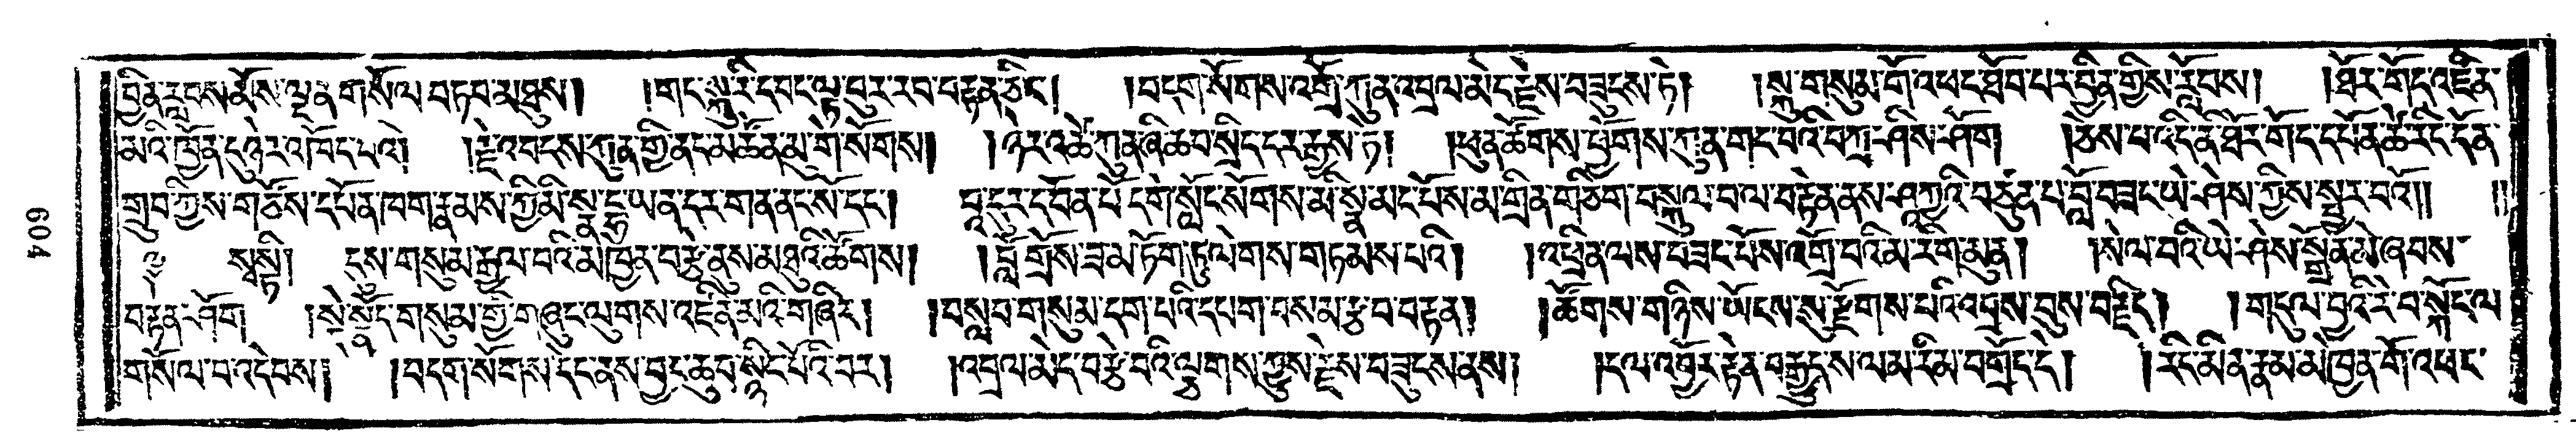བྱིན་རླབས་མོས་ལྡན་གསོལ་བཏབ་མཐུས། །གང་སྐུ་རི་དབང་ལྟ་བུར་རབ་བརྟན་ཅིང་། །བདག་སོགས་འགྲོ་ཀུན་འབྲལ་མེད་རྗེས་བཟུངས་ཏེ། །སྐུ་གསུམ་གོ་འཕང་ཐོབ་པར་བྱིན་གྱིས་རློབས། །ཐོར་གོང་འཛིན་
མའི་ཁྱོན་དུ་ཉེར་འཁོད་པའི། །རྗེ་འབངས་ཀུན་གྱི་ནད་མཚོན་མུ་གེ་སོགས། །ཉེར་འཚེ་ཀུན་ཞི་ཆབ་སྲིད་དར་རྒྱས་ཏེ། །ཕུན་ཚོགས་ཕྱོགས་ཀུན་གང་བའི་བཀྲ་ཤིས་ཤོག །ཅེས་པ་འདི་ནི་ཐོར་གོད་དཔོན་ཚེ་རིང་དོན་
གྲུབ་ཀྱིས་གཙོས་དཔོན་ཁག་རྣམས་ཀྱི་མི་སྣ་དྷ་ཡན་དར་གན་ནང་སོ་དང་། བཱ་དུར་དཔོན་པོ་དགེ་སློང་སོགས་མི་སྣ་མང་པོས་མ་གྲིན་གཅིག་བསྐུལ་བ་ལ་བརྟེན་ནས་ཤཱཀྱའི་བཙུན་པ་བློ་བཟང་ཡེ་ཤེས་ཀྱིས་སྦྱར་བའོ།། །།
༈ སྭསྟི། དུས་གསུམ་རྒྱལ་བའི་མཁྱེན་བརྩེ་ནུས་མཐུའི་ཚོགས། །བློ་གྲོས་ཟ་མ་ཏོག་ཏུ་ལེགས་གཏམས་པའི། །འཕྲིན་ལས་བཟང་པོས་འགྲོ་བའི་མ་རིག་མུན། །སེལ་བའི་ཡེ་ཤེས་སྒྲོན་མེ་ཞབས་
བརྟན་ཤོག །སྡེ་སྣོད་གསུམ་གྱི་གཞུང་ལུགས་འཛིན་མའི་གཞིར། །བསླབ་གསུམ་དག་པའི་དཔག་བསམ་རྩ་བ་བརྟན། །ཚོགས་གཉིས་ཡོངས་སུ་རྫོགས་པའི་འབྲས་བུས་བརྗིད། །གདུལ་བྱའི་རེ་བ་སྐོང་ལ་
གསོལ་བ་འདེབས། །བདག་སོགས་དེང་ནས་བྱང་ཆུབ་སྙིང་པོའི་བར། །འབྲལ་མེད་བརྩེ་བའི་ལྕགས་ཀྱུས་རྗེས་བཟུངས་ནས། །དལ་འབྱོར་རྟེན་བརྒྱུད་ས་ལམ་རིམ་བགྲོད་དེ། །རིང་མིན་རྣམ་མཁྱེན་གོ་འཕང་